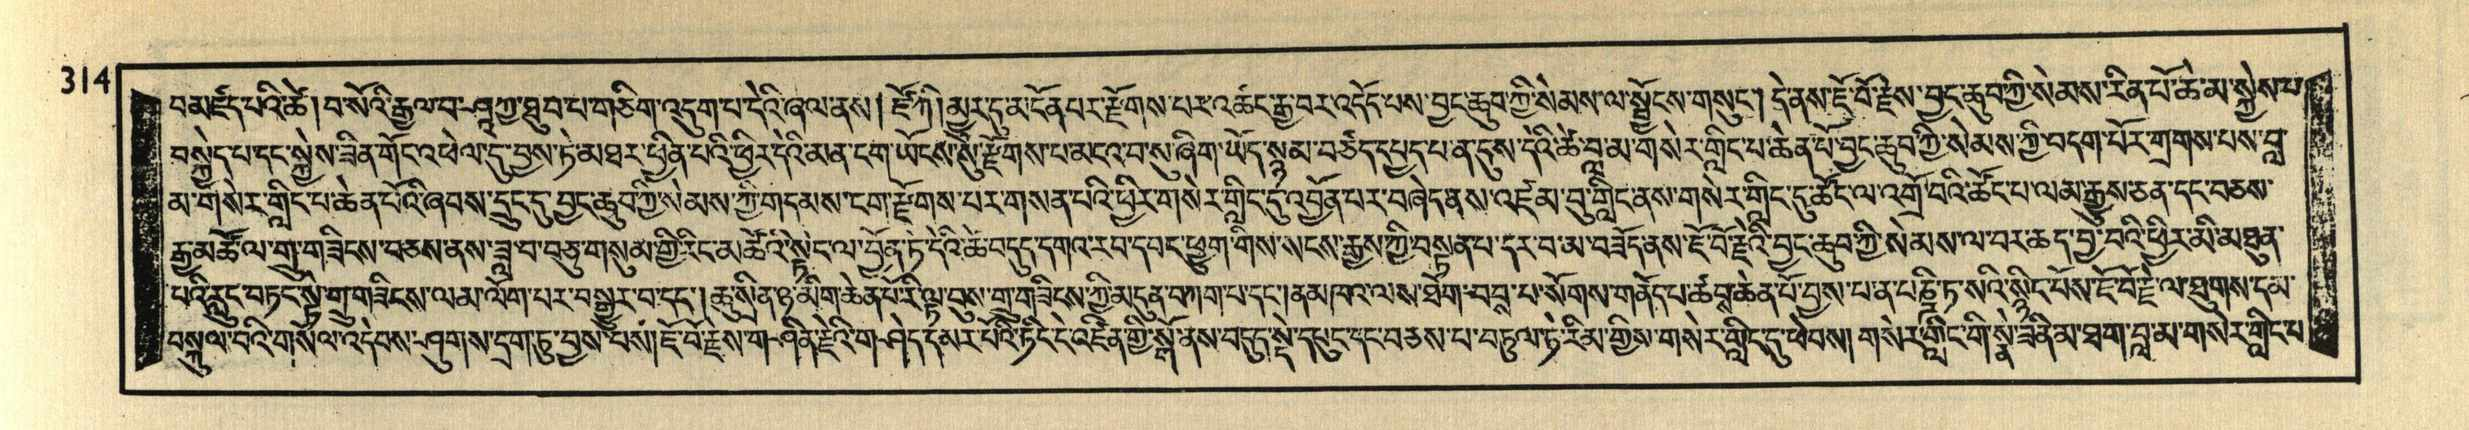བ་མཛད་པའི་ཚེ། བ་སོའི་རྒྱལ་བ་ཤཱཀྱ་ཐུབ་པ་གཅིག་འདུ་པ་དེའི་ཞལ་ནས། ཛོཀི། མྱུར་དུ་མངོན་པར་རྫོགས་པར་འཚང་རྒྱ་བར་འདོད་པས་བྱང་ཆུབ་ཀྱི་སེམས་ལ་སྦྱོངས་གསུང་། དེ་ནས་ཇོ་བོ་རྗེས་བྱང་ཆུབ་ཀྱི་སེམས་རིན་པོ་ཆེ་མ་སྐྱེས་པ་
བསྐྱེད་པ་དང་སྐྱེས་ཟིན་གོང་འཕེལ་དུ་བྱས་ཏེ་མཐར་ཕྱིན་པའི་ཕྱིར་དེའི་མན་ངག་ཡོངས་སུ་རྫོགས་པ་མངའ་བ་སུ་ཞིག་ཡོད་སྙམ་བཙད་དཔྱད་པ་ན་དུས་དེའི་ཚེ་བླ་མ་གསེར་གླིང་པ་ཆེན་པོ་བྱང་ཆུབ་ཀྱི་སེམས་ཀྱི་བདག་པོར་གྲགས་པས་བླ་
མ་གསེར་གླིང་པ་ཆེན་པོའི་ཞབས་དྲུང་དུ་བྱང་ཆུབ་ཀྱི་སེམས་ཀྱི་གདམས་ངག་རྫོགས་པར་གསན་པའི་ཕྱིར་གསེར་གླིང་དུ་འབྱོན་པར་བཞེད་ནས་འཛམ་བུ་གླིང་ནས་གསེར་གླིང་དུ་ཚོང་ལ་འགྲོ་བའི་ཚོང་པ་ལམ་རྒྱུས་ཅན་དང་བཅས་
རྒྱ་མཚོ་ལ་གྲུ་གཟིངས་བཅས་ནས་ཟླ་བ་བཅུ་གསུམ་གྱི་རིང་མཚོའི་སྟེང་ལ་བྱོན་ཏེ་དེའི་ཚེ་བདུད་དགའ་རབ་དབང་ཕྱུག་གིས་སངས་རྒྱས་ཀྱི་བསྟན་པ་དར་བ་མ་བཟོད་ནས་ཇོ་བོ་རྗེའི་བྱང་ཆུབ་ཀྱི་སེམས་ལ་བར་ཆད་བྱ་བའི་ཕྱིར་མི་མཐུན་
པའི་རླུང་བཏང་སྟེ་གྲུ་གཟིངས་ལམ་ལོག་པར་བསྒྱུར་བ་དང་། ཆུ་སྲིན་ཉ་མིག་ཆེན་པོ་རི་ལྟ་བུས་གྲུ་གཟིངས་ཀྱི་མདུན་བཀག་པ་དང་།ནམ་མཁའ་ལས་ཐོག་བབས་པ་སོགས་གནོད་པ་ཚབས་ཆེན་པོ་བྱས་པ་ན་པཎྜི་ཏ་སའི་སྙིང་པོས་ཇོ་བོ་རྗེ་ལ་ཐུགས་དམ་
བསྐུལ་བའི་གསོལ་འདེབས་ཤུགས་དྲག་ཏུ་བྱས་པས། ཇོ་བོ་རྗེས་གཤིན་རྗེའི་གཤེད་དམར་པོའི་ཏིང་ངེ་འཛིན་གྱི་སྒོ་ནས་བདུད་སྡེ་དཔུང་དང་བཅས་པ་བཏུལ་ཏེ་རིམ་གྱིས་གསེར་གླིང་དུ་ཕེབས། གསེར་གླིང་གི་སྣེ་ཟིན་མ་ཐག་བླ་མ་གསེར་གླིང་པ་